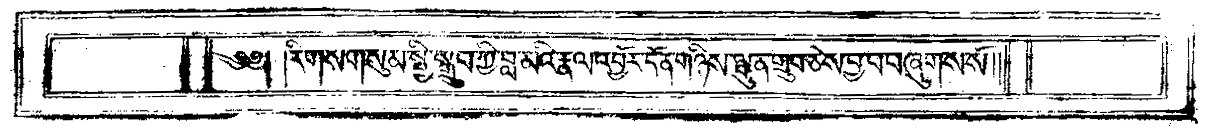༄༅། །རིགས་གསུམ་སྤྱི་སྒྲུབ་ཀྱི་བླ་མའི་རྣལ་འབྱོར་དོན་གཉིས་ལྷུན་གྲུབ་ཅེས་བྱ་བ་བཞུགས་སོ།།